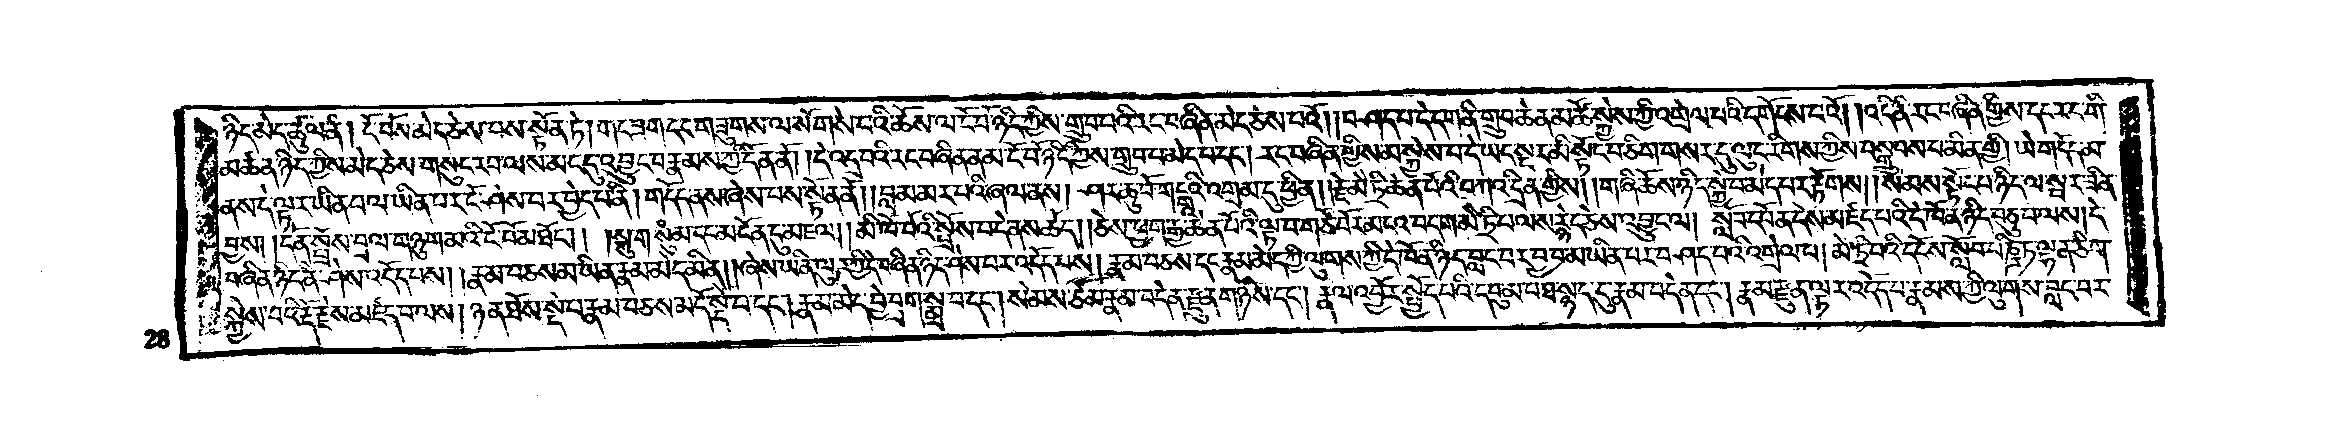ཉིད་མེད་ཚུལ་ནི། ངོ་བོས་མེད་ཅེས་པས་སྟོན་ཏེ། གང་ཟག་དང་གཟུགས་ལ་སོགས་པའི་ཆོས་ལ་ངོ་བོ་ཉིད་ཀྱིས་གྲུབ་པའི་རང་བཞིན་མེད་ཅེས་པའོ། །བཤད་པ་དེ་དག་ནི་གྲུབ་ཆེན་མཚོ་སྐྱེས་ཀྱི་འགྲེལ་པའི་དགོངས་པའོ། །འདི་ནི་རང་བཞིན་གྱིས་དང་རང་གི་
མཚན་ཉིད་ཀྱིས་མེད་ཅེས་གསུང་རབ་ལས་མང་དུ་འབྱུང་བ་རྣམས་ཀྱི་དོན་ནོ། །དེ་འདྲ་བའི་རང་བཞིན་ནམ་ངོ་བོ་ཉིད་ཀྱིས་གྲུབ་པ་མེད་པ་དང་། རང་བཞིན་གྱིས་མ་སྐྱེས་པ་དེ་ཡང་སྔར་མི་སྟོང་བ་ཅིག་གསར་དུ་ལུང་རིགས་ཀྱིས་བསྒྲུབས་པ་མིན་གྱི། ཡེ་གདོད་མ་
ནས་དེ་ལྟར་ཡིན་པ་ལ་ཡིན་པར་ངོ་ཤེས་པར་བྱེད་པ་ནི། གདོད་ནས་ཞེས་པས་སྟོན་ནོ། །བླ་མ་མར་པའི་ཞལ་ནས། ཤར་ཆུ་བོ་གངྒཱའི་འགྲམ་དུ་ཕྱིན། །རྗེ་མཻ་ཏྲི་ཆེན་པོའི་བཀའ་དྲིན་གྱིས། །གཞི་ཆོས་ཉིད་སྐྱེ་བ་མེད་པར་རྟོགས། །སེམས་སྟོང་པ་ཉིད་ལ་སྦར་ཟིན་
བྱས། །དོན་སྤྲོས་བྲལ་གཉུག་མའི་ངོ་བོ་མཐོང་། །སྐུ་གསུམ་མ་དང་མངོན་དུ་མཇལ། །མི་ཁོ་བོའི་སྤྲོས་པ་དེ་ནས་ཆོད། །ཅེས་ཕྱག་རྒྱ་ཆེན་པོའི་ལྟ་བ་གཙོ་བོར་མངའ་བདག་མཻ་ཏྲི་པ་ལས་རྙེད་ཅེས་འབྱུང་ལ། སློབ་དཔོན་དེས་མཛད་པའི་དེ་ཁོ་ན་ཉིད་བཅུ་པ་ལས། དེ་
བཞིན་ཉིད་ནི་ཤེས་འདོད་པས། །རྣམ་བཅས་མ་ཡིན་རྣམ་མེད་མིན། །ཞེས་ཡིན་ལུགས་ཀྱི་དེ་བཞིན་ཉིད་ཤེས་པར་འདོད་པས། རྣམ་བཅས་དང་རྣམ་མེད་ཀྱི་ལུགས་ཀྱི་དེ་ཁོ་ན་ཉིད་བླང་བར་བྱ་བ་མ་ཡིན་པར་བཤད་པའི་འགྲེལ་པ། མཻ་ཏྲི་བའི་དངོས་སློབ་པཎྜི་ཏ་ལྷན་ཅིག་
སྐྱེས་པའི་རྡོ་རྗེས་མཛད་པ་ལས། ཉན་ཐོས་སྡེ་པ་རྣམ་བཅས་མདོ་སྡེ་པ་དང་། རྣམ་མེད་བྱེ་བྲག་སྨྲ་བ་དང་། སེམས་ཙམ་རྣམ་བདེན་རྫུན་གཉིས་དང་། རྣལ་འབྱོར་སྤྱོད་པའི་དབུ་མ་པ་ཐ་སྙད་དུ་རྣམ་བདེན་དང་། རྣམ་རྫུན་ལྟར་འདོད་པ་རྣམས་ཀྱི་ལུགས་བླང་བར་